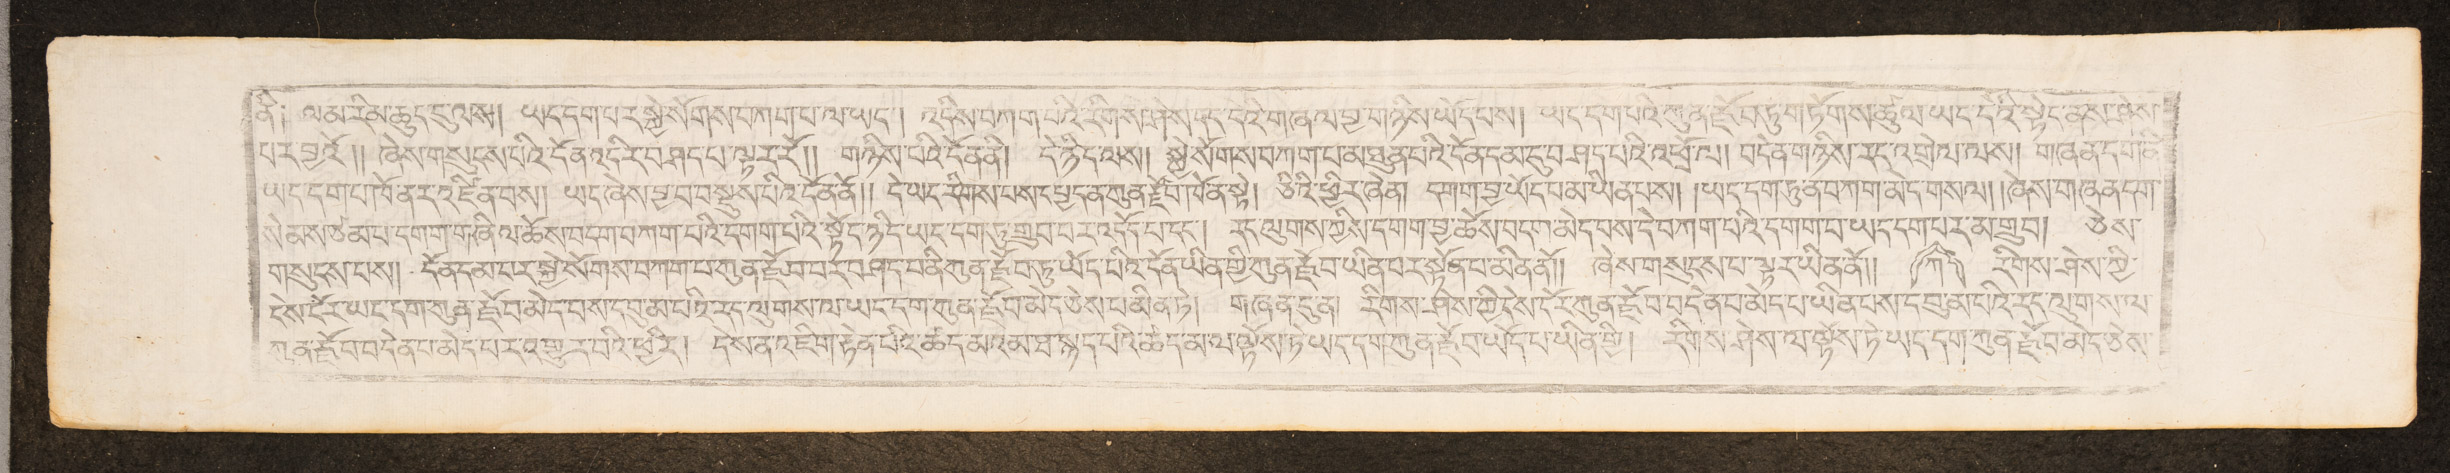ནི༑ ལམ་རིམ་ཆུད་དུ་ལས། ཡང་དག་པར་སྐྱེ་སོགས་བཀག་པ་ལ་ཡང་། འདིས་བཀག་པའི་རིགས་ཤེས་དང་དེའི་གཞལ་བྱ་གཉིས་ཡོད་པས། ཡང་དག་པའི་ཀུན་རྫོབ་ཏུ་གཏོགས་ཚུལ་ཡང་དེའི་སྟེང་ནས་ཤེས་
པར་བྱའོ།། ཞེས་གསུངས་པའི་དོན་འདིར་བཤད་པ་ལྟར་རོ།། གཉིས་པའི་དོན་ནི། དེ་ཉིད་ལས། སྐྱེ་སོགས་བཀག་པ་མཐུན་པའི་དོན་དམ་དུ་བཤད་པའི་འཕྲོ་ལ། བདེན་གཉིས་རང་འགྲེལ་ལས། གཞན་དག་ནི་
ཡང་དག་པ་ཁོ་ནར་འཛིན་པས། ཡང་ཞེས་བྱ་བ་བསྡུས་པའི་དོན་ནོ། །དེ་ཡང་རིགས་པས་དཔྱད་ན་ཀུན་རྫོབ་ཁོ་ན་སྟེ། ཅིའི་ཕྱིར་ཞེ་ན། དགྒ་བྱ་ཡོང་པ་མ་ཡིན་པས། ཡང་དག་ཏུ་ན་བཀག་མེད་གསལ། །ཞེས་གཞན་དག་
སེམས་ཙམ་པ་དགྒ་བཞི་ལ་ཆོས་བདག་བཀག་པའི་དགག་པའི་སྟོང་ཉིད་ཡང་དག་ཏུ་གྲུབ་པར་འདོད་པ་དང་། རང་ལུགས་ཀྱིས་དགག་བྱ་ཆོས་བདག་མེད་པས་དེ་བཀག་པའི་དགག་པ་ཡང་དག་པར་མ་གྲུབ། ཅེས་
གསུངས་པས། དོན་དམ་པར་སྐྱེ་སོགས་བཀག་པ་ཀུན་རྫོབ་པར་བཤད་པ་ནི་ཀུན་རྫོབ་ཏུ་ཡོད་པའི་དོན་ཡིན་གྱི་ཀུན་རྫོབ་ཡིན་པར་སྟོན་པ་མིན་ནོ། །ཞེས་གསུངས་པ་ལྟར་ཡིན་ནོ།། ༼༽ཀ༼༽ རིགས་ཤེས་ཀྱི་
དེས་ངོར་ཡང་དག་ཀུན་རྫོབ་མེད་པས་དབུ་མ་པའི་རང་ལུགས་ལ་ཡང་དག་ཀུན་རྫོབ་མེད་ཅེས་པ་མིན་ཏེ། གཞན་དུ་ན། རིགས་ཤེས་ཀྱི་དེས་དོར་ཀུན་རྫོབ་བདེན་པ་མེད་པ་ཡིན་པས་དབུ་མ་པའི་རང་ལུགས་ལ་
ཀུན་རྫོབ་པ་བདེན་པ་མེད་པར་འགྱུར་བའི་ཕྱིར། དེས་ན་འཇིག་རྟེན་པའི་ཚད་མའམ་ཐ་སྙད་པའི་ཚད་མ་ལ་ལྟོས་ཏེ་ཡང་དག་ཀུན་རྫོབ་ཡོད་པ་ཡིན་གྱི། རིགས་ཤེས་ལ་ལྟོས་ཏེ་ཡང་དག་ཀུན་རྫོབ་མེད་ཅེས་